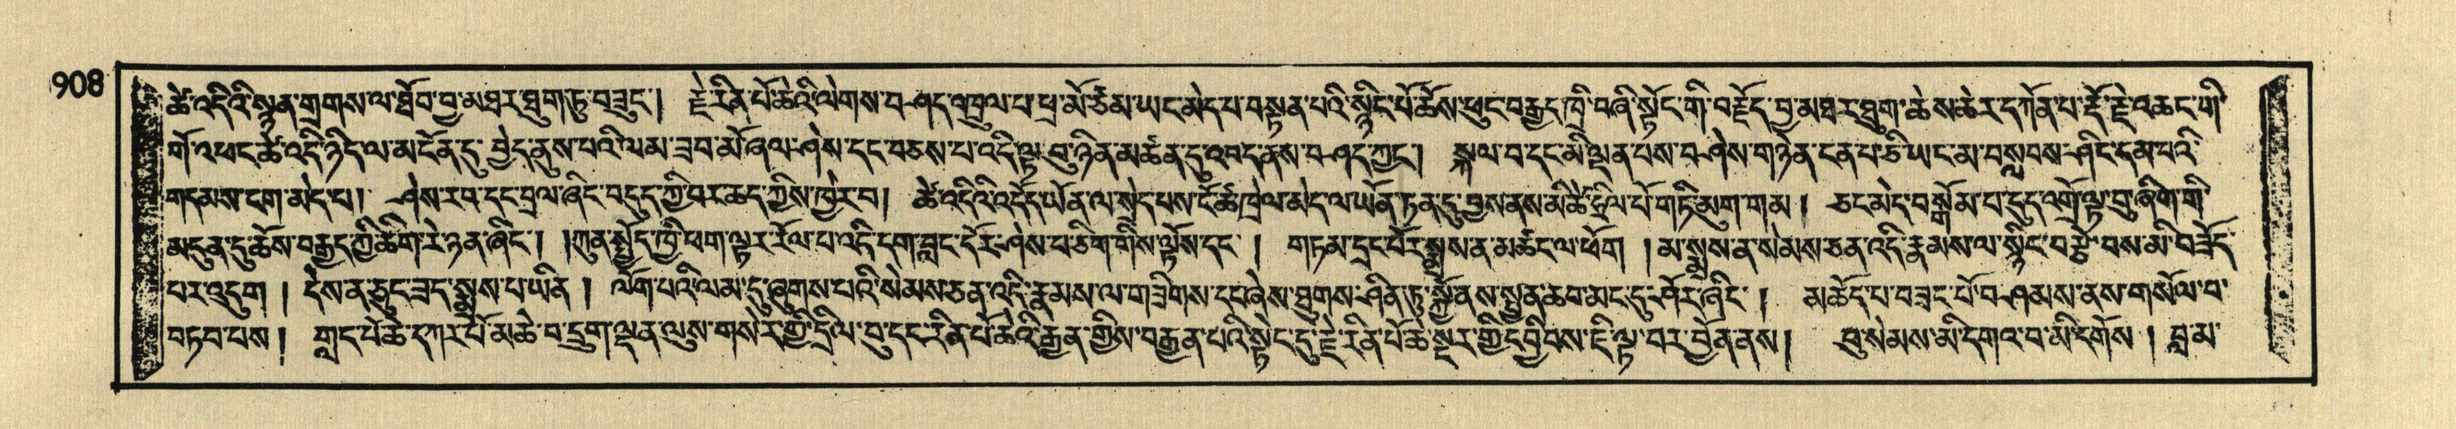ཚེ་འདིའི་སྙན་གྲགས་ལ་ཐོབ་བྱ་མཐར་ཐུག་ཏུ་བཟུང་། རྗེ་རིན་པོ་ཆེའི་ལེགས་བཤད་འཁྲུལ་པ་ཕྲ་མོ་ཙམ་ཡང་མེད་པ་བསྟན་པའི་སྙིང་པོ་ཆོས་ཕུང་བརྒྱད་ཁྲི་བཞི་སྟོང་གི་བརྗོད་བྱ་མཐར་ཐུག་ཆེས་ཆེར་དཀོན་པ་རྡོ་རྗེ་འཆང་གི་
གོ་འཕང་ཚེ་འདི་ཉིད་ལ་མངོན་དུ་བྱེད་ནུས་པའི་ལམ་ཟབ་མོ་ཞལ་ཤེས་དང་བཅས་པ་འདི་ལྟ་བུ་ཉིན་མཚན་དུ་འབད་ནས་བཤད་ཀྱང་། སྐལ་བ་དང་མི་ལྡན་པས་བཤེས་གཉེན་ངན་པ་ཅི་ཡང་མ་བསླབས་ཤིང་དམ་པའི་
གདམས་ངག་མེད་པ། ཤེས་རབ་དང་བྲལ་ཞིང་བདུད་ཀྱི་བར་ཆད་ཀྱིས་ཁྱེར་བ། ཚེ་འདིའི་འདོད་ཡོན་ལ་སྲེད་པས་ངོ་ཚ་ཁྲེལ་མེད་ལ་ཡོན་ཏན་དུ་བྱས་ནས་མི་ཚེ་ཧྲིལ་པོ་གཏི་མུག་གམ། ཅང་མེད་བསྒོམ་པ་དུད་འགྲོ་ལྟ་བུ་ཞིག་གི་
མདུན་དུ་ཆོས་བརྒྱད་ཀྱི་ཚིག་རེ་ཉན་ཞིང་། །ཀུན་སྤྱོད་ཁྱི་ཕག་ལྟར་རོལ་པ་འདི་དག་བླང་དོར་ཤེས་པ་ཅིག་གིས་ལྟོས་དང་། གཏམ་དྲང་པོར་སྨྲས་ན་མཚང་ལ་ཕོག །མ་སྨྲས་ན་སེམས་ཅན་འདི་རྣམས་ལ་སྙིང་བརྩེ་བས་མི་བཟོད་
པར་འདུག །དེས་ན་ཅུང་ཟད་སྨྲས་པ་ཡིན། ལོག་པའི་ལམ་དུ་ཞུགས་པའི་སེམས་ཅན་འདི་རྣམས་ལ་གཟིགས་དང་ཞེས་ཐུགས་ཤིན་ཏུ་སྐྱོ་ནས་སྤྱན་ཆབ་མང་དུ་ཤོར་ཤིང་། མཆོད་པ་བཟང་པོ་བཤམས་ནས་གསོལ་བ་
བཏབ་པས། གླང་པོ་ཆེ་དཀར་པོ་མཆེ་བ་དྲུག་ལྡན་ལུས་གསེར་གྱི་དྲིལ་བུ་དང་རིན་པོ་ཆེའི་རྒྱན་གྱིས་བརྒྱན་པའི་སྟེང་དུ་རྗེ་རིན་པོ་ཆེ་སྔར་གྱི་དབྱིབས་ཇི་ལྟ་བར་བྱོན་ནས། བུ་སེམས་མི་དགའ་བ་མི་དགོས། བླ་མ་